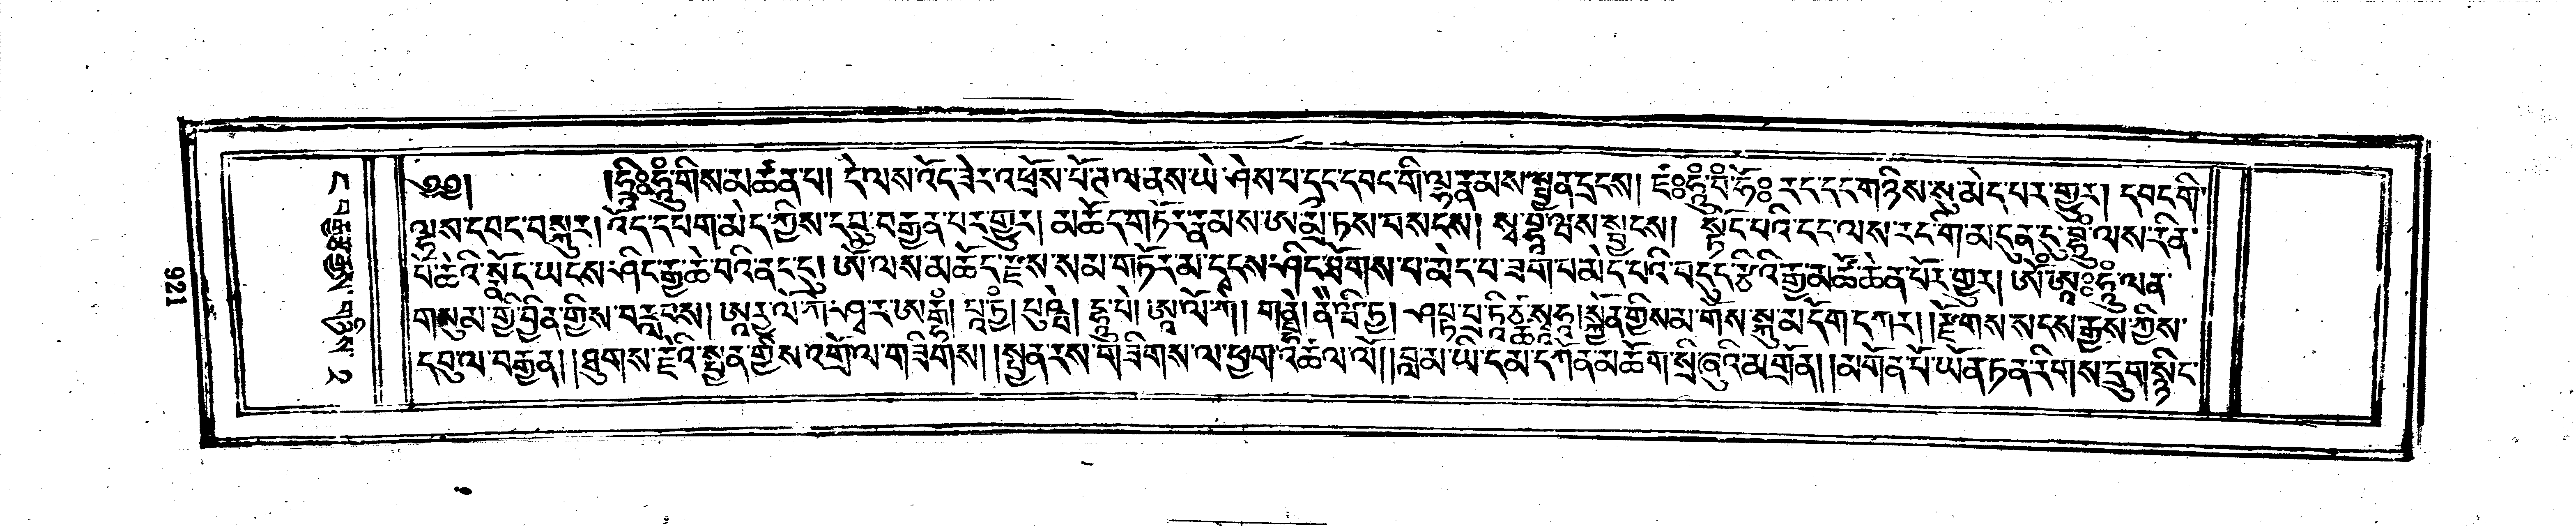༄༅། །ཧྲཱིཿ ཧཱུཾ་གིས་མཚན་པ། དེ་ལས་འོད་ཟེར་འཕྲོས་པོ་ཊ་ལ་ནས་ཡེ་ཤེས་པ་དང་དབང་གི་ལྷ་རྣམས་སྤྱན་དྲངས། ཛཿ ཧཱུཾ་བཾ་ཧོཿ རང་དང་གཉིས་སུ་མེད་པར་གྱུར། དབང་གི་
ལྷས་དབང་བསྐུར། འོད་དཔག་མེད་ཀྱིས་དབུ་བརྒྱན་པར་གྱུར། མཆོད་གཏོར་རྣམས་ཨ་མྲྀ་ཏས་བསངས། སྭ་བྷཱ་ཝས་སྦྱངས། སྟོང་པའི་ངང་ལས་རང་གི་མདུན་དུ་བྷྲུཾ་ལས་རིན་
པོ་ཆེའི་སྣོད་ཡངས་ཤིང་རྒྱ་ཆེ་བའི་ནང་དུ། ཨོཾ་ལས་མཆོད་རྫས་སམ་གཏོར་མ་དྭངས་ཤིང་ཐོགས་པ་མེད་པ་ཟག་པ་མེད་པའི་བདུད་རྩིའི་རྒྱ་མཚོ་ཆེན་པོར་གྱུར། ཨོཾ་ཨཱཿ ཧཱུཾ་ལན་
གསུམ་གྱི་བྱིན་གྱིས་བརླབས། ཨཱརྱ་ལོ་ཀེ་ཤྭ་ར་ཨརྒྷཾ། པཱ་ཏྱཾ། པུཥྤེ། དྷཱུ་པེ། ཨཱ་ལོ་ཀེ། གནྡྷེ། ནཻ་ཝི་ཏྱ། ཤབཏ་པྲ་ཏཱི་ཙྪ་སྭཱཧཱ། སྐྱོན་གྱིས་མ་གོས་སྐུ་མདོག་དཀར། །རྫོགས་སངས་རྒྱས་ཀྱིས་
དབུ་ལ་བརྒྱན། །ཐུགས་རྗེའི་སྤྱན་གྱིས་འགྲོ་ལ་གཟིགས། །སྤྱན་རས་གཟིགས་ལ་ཕྱག་འཚལ་ལོ། །བླ་མ་ཡི་དམ་དཀོན་མཆོག་སྲི་ཞུའི་མགྲོན། །མགོན་པོ་ཡོན་ཏན་རིགས་དྲུག་སྙིང་